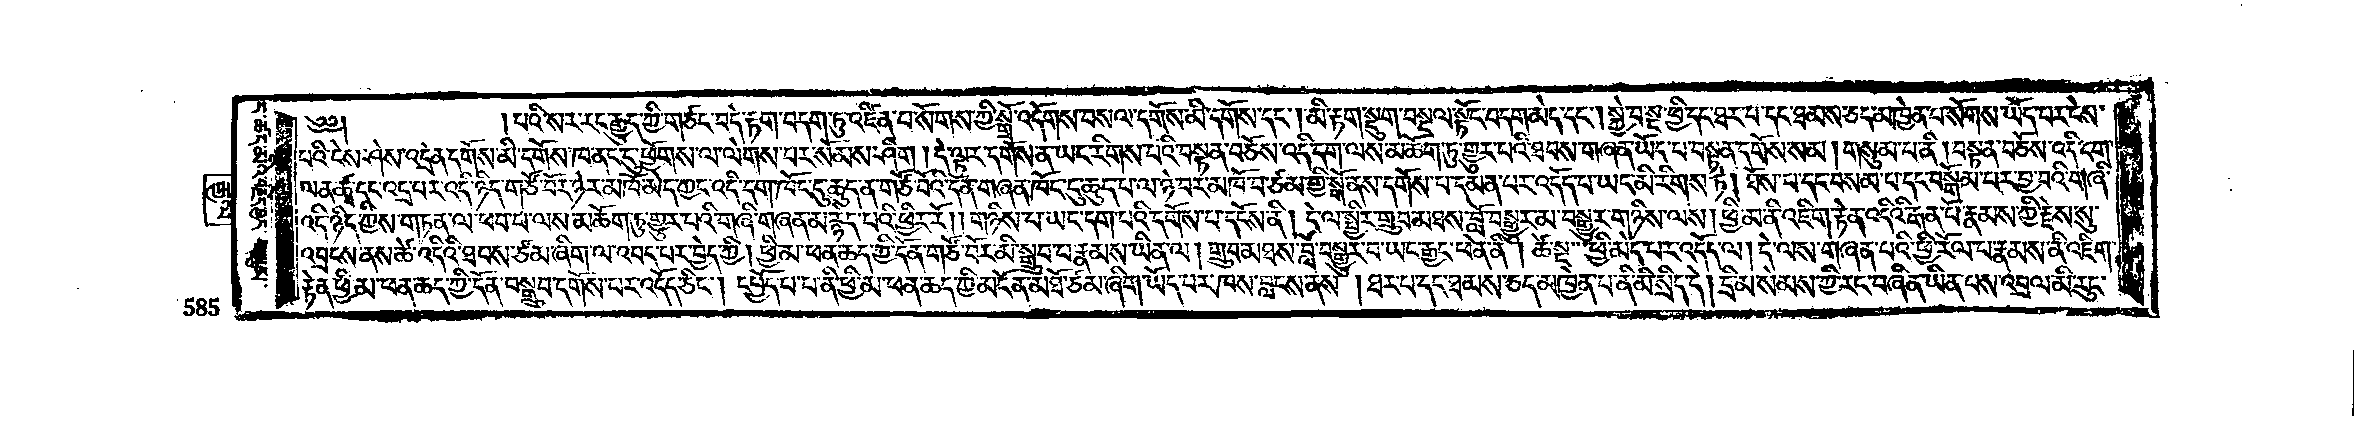༄༅། །པའི་སར་རང་རྒྱུད་ཀྱི་གཏང་བདེ་རྟག་བདག་ཏུ་འཛིན་པ་སོགས་ཀྱི་སྒྲོ་འདོགས་བསལ་དགོས་མི་དགོས་དང་། མི་རྟག་སྡུག་བསྔལ་སྟོང་བདག་མེད་དང་། སྐྱེ་བ་སྔ་ཕྱི་དང་ཐར་པ་དང་ཐམས་ཅད་མཁྱེན་པ་སོགས་ཡོད་པར་ངེས་
པའི་ངེས་ཤེས་འདྲེན་དགོས་མི་དགོས་ཁ་ནང་དུ་ཕྱོགས་ལ་ལེགས་པར་སོམས་ཤིང་།དེ་ལྟར་དགོས་ན་ཡང་རིགས་པའི་བསྟན་བཅོས་འདི་དག་ལས་མཆོག་ཏུ་གྱུར་པའི་ཐབས་གཞན་ཡོད་པ་བསྟན་དགོས་སམ། བསྟན་བཅོས་འདི་དག་
ལན་ཚྭ་དང་འདྲ་བར་འདི་ཉིད་གཙོ་བོར་ཉེར་མཁོ་མེད་ཀྱང་འདི་དག་ཁོང་དུ་ཆུད་ན་གཙོ་བོའི་དོན་གཞན་ཁོང་དུ་ཆུད་པ་ལ་ཉེ་བར་མཁོ་བ་ཙམ་གྱི་སྒོ་ནས་དགོས་པ་དམན་པར་འདོད་པ་ཡང་མི་རིགས་ཏེ། ཐོས་པ་དང་བསམ་པ་དང་བསྒོམ་པར་བྱ་བའི་གཞི་
འདི་ཉིད་ཀྱིས་གཏན་ལ་ཕབ་པ་ལས་མཆོག་ཏུ་གྱུར་པའི་གཞི་གཞན་མ་རྙེད་པའི་ཕྱིར་རོ། །གཉིས་པ་ཡང་དག་པའི་དགོས་པ་དངོས་ནི། དེ་ལ་སྤྱིར་གྲུབ་མཐས་བློ་བསྒྱུར་མ་བསྒྱུར་གཉིས་ལས། ཕྱི་མ་ནི་འཇིག་རྟེན་འདིའི་རྒན་པོ་རྣམས་ཀྱི་རྗེས་སུ་
འབྲངས་ནས་ཚེ་འདིའི་ཐབས་ཙམ་ཞིག་ལ་འབད་པར་བྱེད་ཀྱི། ཕྱི་མ་ཕན་ཆད་ཀྱི་དོན་གཙོ་བོར་མི་སྒྲུབ་པ་རྣམས་ཡིན་ལ། གྲུབ་མཐས་བློ་བསྒྱུར་པ་ཡང་རྒྱང་ཕེན་ནི། ཚེ་སྔ་ཕྱི་མེད་པར་འདོད་ལ། དེ་ལས་གཞན་པའི་ཕྱི་རོལ་པ་རྣམས་ནི་འཇིག་
རྟེན་ཕྱི་མ་ཕན་ཆད་ཀྱི་དོན་བསྒྲུབ་དགོས་པར་འདོད་ཅིང་། དཔྱོད་པ་པ་ནི་ཕྱི་མ་ཕན་ཆད་ཀྱི་མངོན་མཐོ་ཙམ་ཞིག་ཡོད་པར་ཁས་བླངས་ནས། ཐར་པ་དང་ཐམས་ཅད་མཁྱེན་པ་ནི་མི་སྲིད་དེ། དྲི་མ་སེམས་ཀྱི་རང་བཞིན་ཡིན་པས་འབྲལ་མི་རུང་